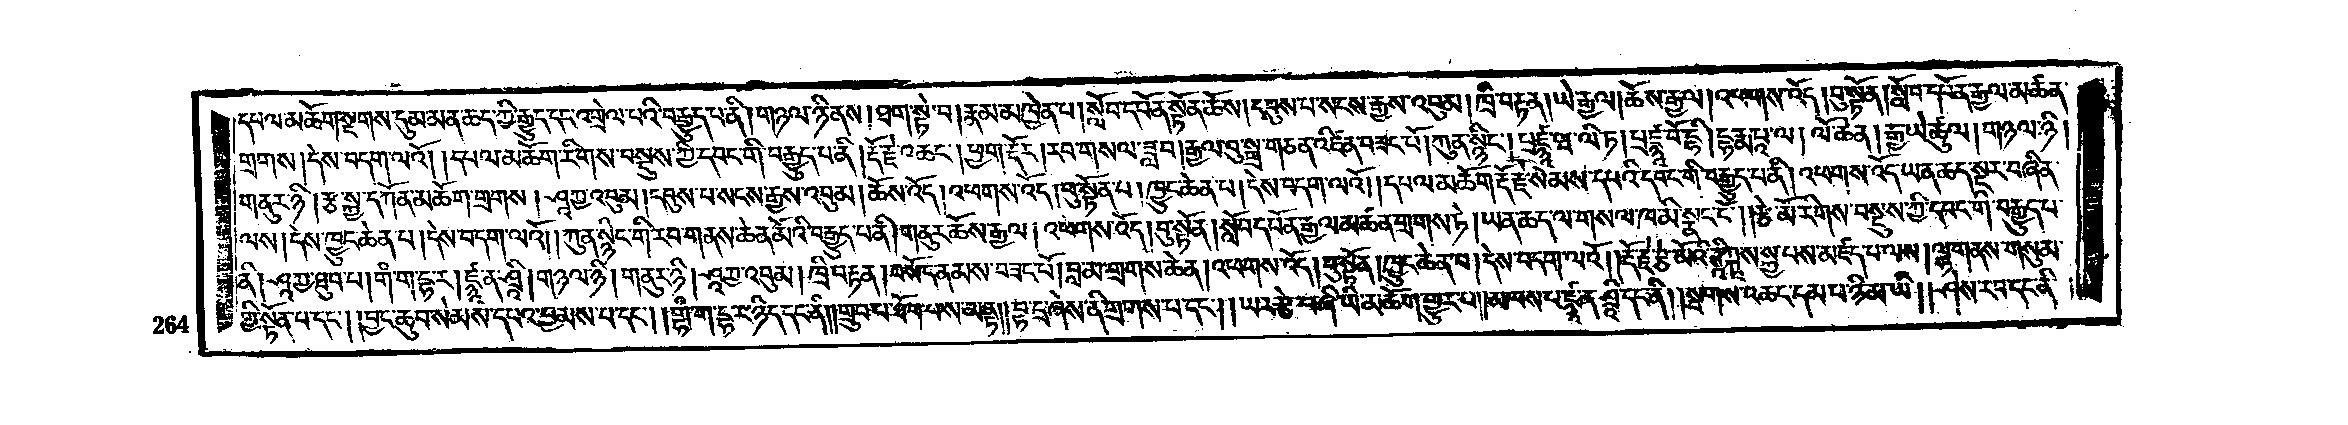དཔལ་མཆོག་སྔགས་དུམ་མན་ཆད་ཀྱི་རྒྱུད་དང་འགྲེལ་པའི་བརྒྱུད་པ་ནི། གཉལ་ཉི་ནས། ཐག་སྟེ་བ། རྣམ་མཁྱེན་པ། སློབ་དཔོན་སྟོན་ཆོས། དབུས་པ་སངས་རྒྱས་འབུམ། ཁྲི་བརྟན། ཡེ་རྒྱལ། ཆོས་རྒྱལ། འཕགས་འདོ། བུ་སྟོན། སློབ་དཔོན་རྒྱལ་མཚན་
གྲགས། དེས་བདག་ལའོ། །དཔལ་མཆོག་རིགས་བསྡུས་ཀྱི་དབང་གི་བརྒྱུད་པ་ནི། རྡོ་རྗེ་འཆང་། ཕྱག་རྡོར། རབ་གསལ་ཟླ་བ། རྒྱལ་བུ་སྒྲ་གཅན་འཛིན་བཟང་པོ། ཀུན་སྙིང་། པྲཛྙཱ་ཝ་ལི་ཏ། པྲཛྙཱ་བོ་དྷི། དྷརྨ་པཱ་ལ། ལོ་ཆེན། རྒྱ་ཡེ་ཚུལ། གཉལ་ཉི།
གནུར་ཉི། རྩ་སྐྱ་དཀོན་མཆོག་གྲགས། ཤཱཀྱ་འབུམ། དབུས་པ་སངས་རྒྱས་འབུམ། ཆོས་འོད། འཕགས་འོད། ཕུ་སྟོན་པ། ཁུང་ཆེན་པོ། དེས་བདག་ལའོ། །དཔལ་མཆོག་རྡོ་རྗེ་སེམས་དཔའི་དབང་གི་བརྒྱུད་པ་ནི། འཕགས་འོད་ཡན་ཆད་སྔར་བཞིན་
ལས། དེས་ཁྱུང་ཆེན་པོ། དེས་བདག་ལའོ། །ཀུན་སྙིང་གི་རབ་གནས་ཆེན་མོའི་བརྒྱུད་པ་ནི། གནུར་ཆོས་རྒྱལ། འཕགས་འོད། བུ་སྟོན། སློབ་དཔོན་རྒྱལ་མཚན་གྲགས་ཏེ། ཡན་ཆད་ལ་གསལ་ཁ་མི་སྣང་ངོ། །རྩེ་མོ་རིགས་བསྡུས་ཀྱི་དབང་གི་བརྒྱུད་པ་
ནི། ཤཱཀྱ་ཐུབ་པ། གཾ་ག་དྷ་ར། ཛྙཱ་ན་ཤྲཱི། གཉལ་ཉི། གནུར་ཉི། ཤཱཀྱ་འབུམ། ཁྲི་བརྟན། བསོད་ནམས་བཟང་པོ། བླ་མ་གྲགས་ཆེན། འཕགས་འོད། བུ་སྟོན། ཁྱུང་ཆེན་པོ། དེས་བདག་ལའོ། །རྡོ་རྗེ་རྩེ་མོའི་ཊཱིཀྐ་ས་སྐྱ་པས་མཛད་པལས། ལྷ་གནས་གསུམ་
གྱི་སྟོན་པ་དང་། །བྱང་ཆུབ་སེམས་དཔའི་བྱམས་པ་དང་། གྷཾ་ག་དྷ་ར་ཉིད་དང་ནི། །གྲུབ་པ་ཐོག་པས་མནྟ། །བྷ་དྲ་ཞེས་ནི་གྲགས་པ་དང་། །ཡར་རྩེ་བཞི་ཡི་མཆོག་གྱུར་བ། །མཁས་པ་ཛྙཱ་ན་ཤྲཱི་དང་ནི། སྤགས་འཆང་དམ་པ་ཉི་མ་ཡི། །ཤེས་རབ་དང་ནི་